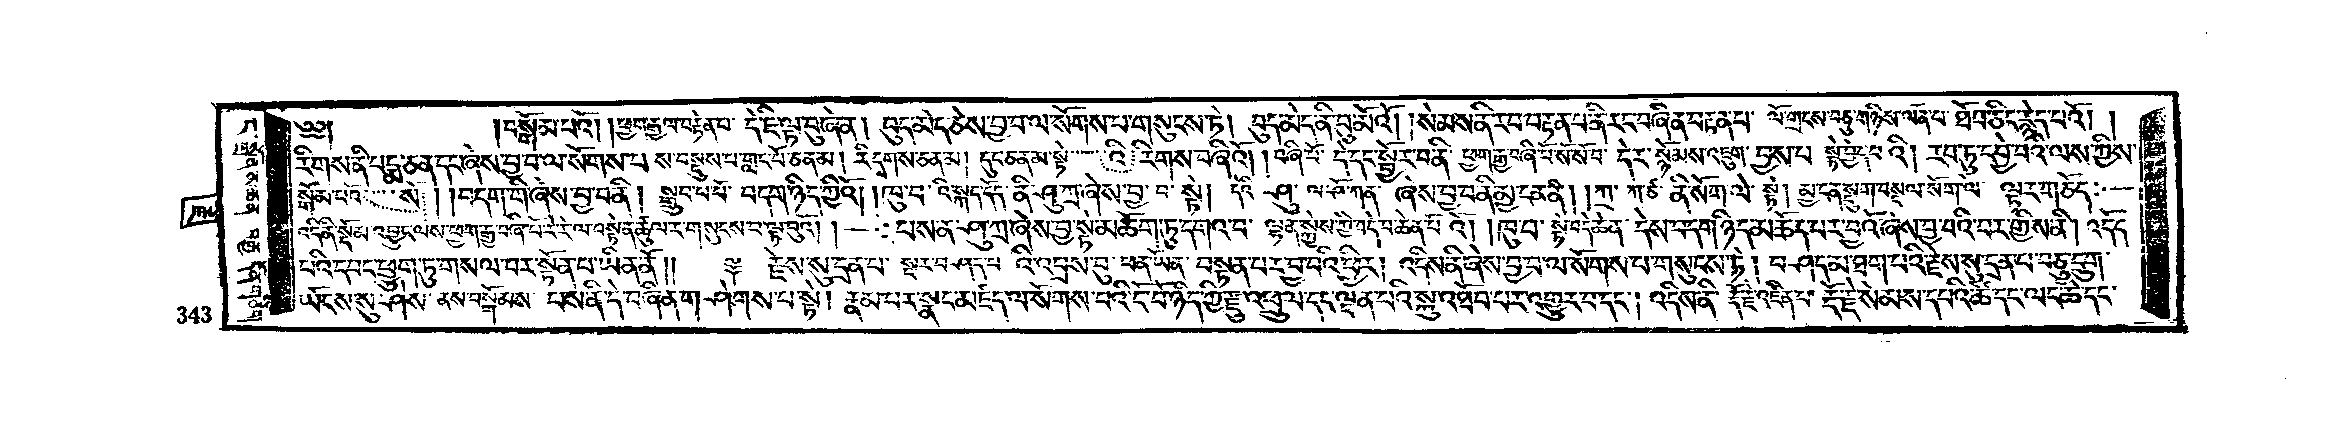༄༅། །བསྒོམ་པའོ། ། ཕྱག་རྒྱ་ལ་བརྟེན་པ་དེ་ཇི་ལྟ་བུ་ཞེ་ན། བུད་མེད་ཅེས་བྱ་བ་ལ་སོགས་པ་གསུངས་ཏེ། བུད་མེད་ནི་བུ་མོའོ། །སེམས་ནི་རབ་བརྟན་པ་ནི་རང་བཞིན་བརྟན་པ་ལོ་གྲངས་བཅུ་གཉིས་ལེན་པ་ཐོབ་ཅིང་རྙེད་པའོ། །
རིགས་ནི་པདམ་ཅན་དང་ཞེས་བྱ་བ་ལ་སོགས་པས་བསྡུས་པ་གླང་པོ་ཅན་མ། རི་དྲགས་ཅན་མ། དུང་ཅན་མ་སྟེ་འི་རིགས་བཞིའོ། ། བཞི་པོ་དེ་དང་སྦྱོར་བ་ནི་ཕྱག་རྒྱ་བཞི་པོ་སོ་སོ་བ་དེར་སྙོམས་འཇུག་བྱས་པ་སྟེ་བྱེད་པའི། རབ་ཏུ་དབྱེ་བའི་ལས་ཀྱིས་
སྒོམ་པའོ་སོ། །བདག་གི་ཞེས་བྱ་བ་ནི། སྒྲུབ་པ་པོ་བདག་ཉིད་ཀྱིའོ། །ཁུ་བའི་སྐད་དོད་ནི་ཤུ་ཀྲ་ཞེས་བྱ་བ་སྟེ། དེའི་ཤུ་ལ་ཤོ་ཀན་ཞེས་བྱ་བ་ནི་མྱང་ངན་ནོ། །ཀྲ་ཀ་ཙ་ནི་སོགས་ལེ་སྟེ། མྱང་ངན་སྡུག་བསྔལ་སོག་ལ་ལྟར་གཅོད་H.
འདི་ནི་སྡོམ་འབྱུང་ལས་ཕྱག་རྒྱ་བཞི་པོ་རེ་རེ་ལ་བསྟེན་ཚུལ་རི་གསུངས་པ་ལྟ་བུའོ། །.H པས་ན་ཤུ་ཀྲ་ཞེས་བྱ་སྟེ་མཆོག་ཏུ་དཀའ་བ་ལྷན་སྐྱེས་ཀྱི་བདེ་བ་ཆན་པོའོ། །ཁུ་བ་སྟེ་བདེ་ཆེན་དེས་བདག་ཉིད་མཆོད་པར་བྱའོ་ཞེས་བྱ་བའི་བར་གྱིས་ནི། འདོད་
པའི་དབང་ཕྱུག་ཏུ་གསལ་བར་སྟོན་པ་ཡིན་ནོ།། ༈ རྗེས་སུ་དྲན་པ་སྔར་བཤད་པའི་འབྲས་བུ་ཕན་ཡོན་བསྟན་པར་བྱ་བའི་ཕྱིར། འདིས་ནི་ཞེས་བྱ་བ་ལ་སོགས་པ་གསུངས་ཏེ། བཤད་མ་ཐག་པའི་རྗེས་སུ་དྲན་པ་བཅུ་དྲུག་
ཡོངས་སུ་ཤེས་ནས་བསྒོམས་པས་ནི་དེ་བཞིན་གཤེགས་པ་སྟེ། རྣམ་པར་སྣང་མཛད་ལ་སོགས་པའི་ངོ་བོ་ཉིད་ཀྱི་རྫུ་འཕྲུལ་དང་ལྡན་པའི་སྐུ་འཐོབ་པར་འགྱུར་བ་དང་། འདིས་ནི་རྡོ་རྗེ་འཛིན་པ་རྡོ་རྗེ་སེམས་དཔའི་ཚེ་དང་ལང་ཚོ་དང་